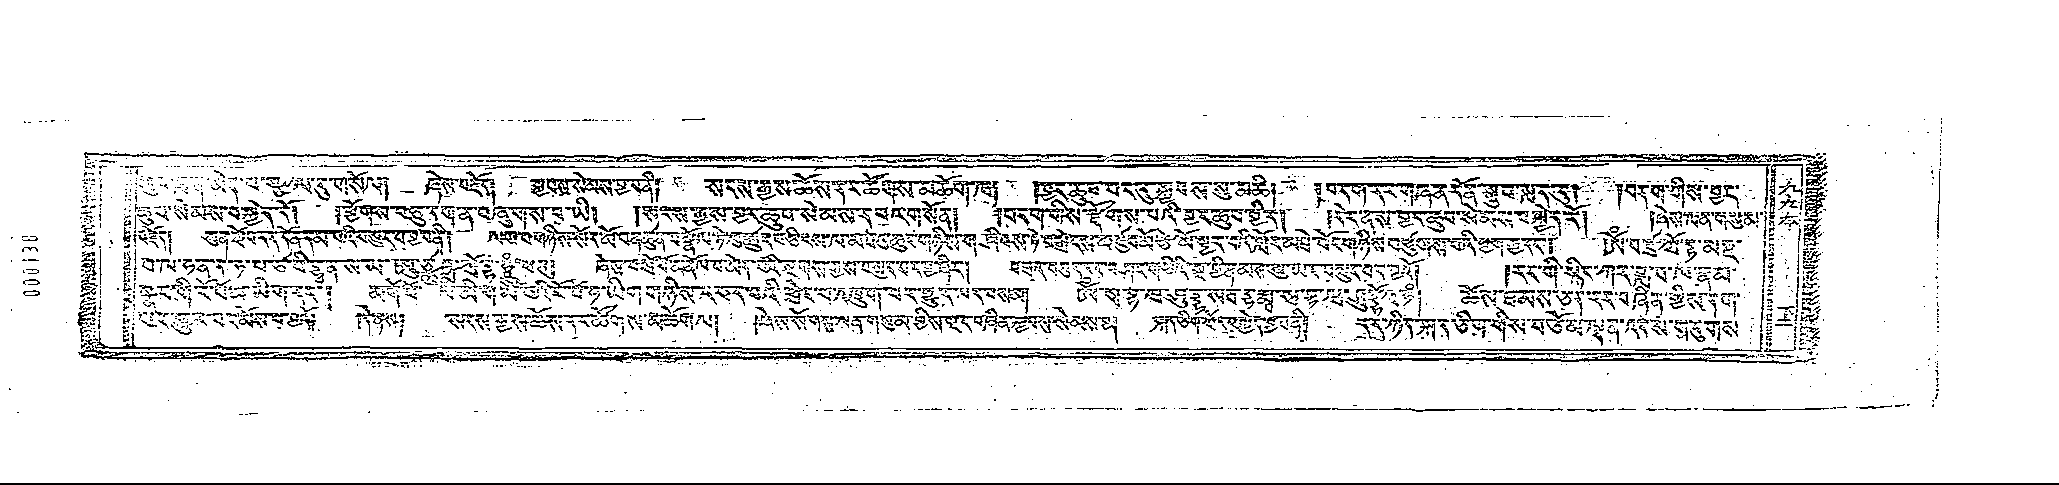གྲུབ་བླ་ན་མེད་པ་སྩལ་དུ་གསོལ། ཞེས་བརྗོད། སྐྱབས་སེམས་བྱ་བ་ནི། སངས་རྒྱས་ཆོས་དང་ཚོགས་མཆོག་ལ། །བྱང་ཆུབ་བར་དུ་སྐྱབས་སུ་མཆི། །བདག་དང་གཞན་དོན་སྒྲུབ་སླད་དུ། །བདག་གིས་བྱང་
ཆུབ་སེམས་བསྐྱེད་དོ། །ཕྱོགས་བཅུ་དག་ན་བཞུགས་པ་ཡི། །སངས་རྒྱས་བྱང་ཆུབ་སེམས་དཔའ་གསོན། །བདག་གིས་རྫོགས་པའི་བྱང་ཆུབ་ཕྱིར། །དེང་ནས་བྱང་ཆུབ་སེམས་བསྐྱེད་དོ། །ཞེས་ལན་གསུམ་
བརྗོད། ཀུན་རྫོབ་དང་དོན་དམ་པའི་བསྲུང་བ་བྱ་བ་ནི། ལག་པ་གཉིས་སོར་མོ་ཕན་ཚུན་བསྣོལ་ཏེ་ཁུ་ཚུར་བཅིངས་ལ་མཐེའུ་ཆུང་གཉིས་གཤིབས་ཏེ་བསྒྲེངས་མཛུབ་མོ་རྩེ་མོ་སྦྱར་པའི་གློར་མཐེ་བོང་གཉིས་བཙུགས་པའི་ཕྱག་རྒྱ་དང་། ཨོཾ་བཛྲ་ཀྲོ་དྷ་མཧཱ་
བ་ལ་ཧ་ན་ད་ཧ་པ་ཙ་བི་དྷྭ་ན་ས་ཡ་ཨུཙྪུ་ཥྨ་ཀྲོ་དྷ་ཧཱུཾ་ཕཊ། ཞེས་པ་ཁྲོ་བོ་མནོལ་བ་མེད་པའི་སྔགས་རྒྱས་བསྩལ་བར་བྱ་ཞིང་། མཐའ་བཏུང་དང་བཤང་གཅིའི་སྔ་བྱི་རྣམས་སུ་ཡང་བསྲུང་བར་བྱའོ། །རང་གི་སྙིང་ཀར་ཟླ་བ་ལ་རྣམ་
སྣང་གི་ངོ་བོ་མ་ཡིག་དང་། མགོ་བོ་ལ་མི་གཡོ་བའི་ངོ་བོ་ཧ་ཡིག་གཉིས་འབར་བའི་ཕྲེང་བ་འཁྲུག་པར་གྱུར་པར་བསམ། ཨོཾ་སྭ་བྷ་ཝ་ཤུདྡྷ་སརྦ་དྷརྨཱ་སྭ་བྷ་ཝ་གུདྡྷོཉྲ་ཏཾ། ཆོས་ཐམས་ཅད་རང་བཞིན་ཀྱིས་དག་
པང་གྱུར་པར་མོས་པ་བྱའོ། །དེ་ནས། སངས་རྒྱས་ཆོས་དང་ཚོགས་མཆོག་ལ། །ཞེས་སོགས་ལན་གསུམ་གྱིས་སྔར་བཞིན་སྐྱབས་སེམས་བྱ། སྐད་ཅིག་ཀྲོང་བསྐྱེད་བྱ་བ་ནི། རང་ཉིད་སྐད་ཅིག་གིས་བཅོམ་ལྡན་འདས་གདུགས་